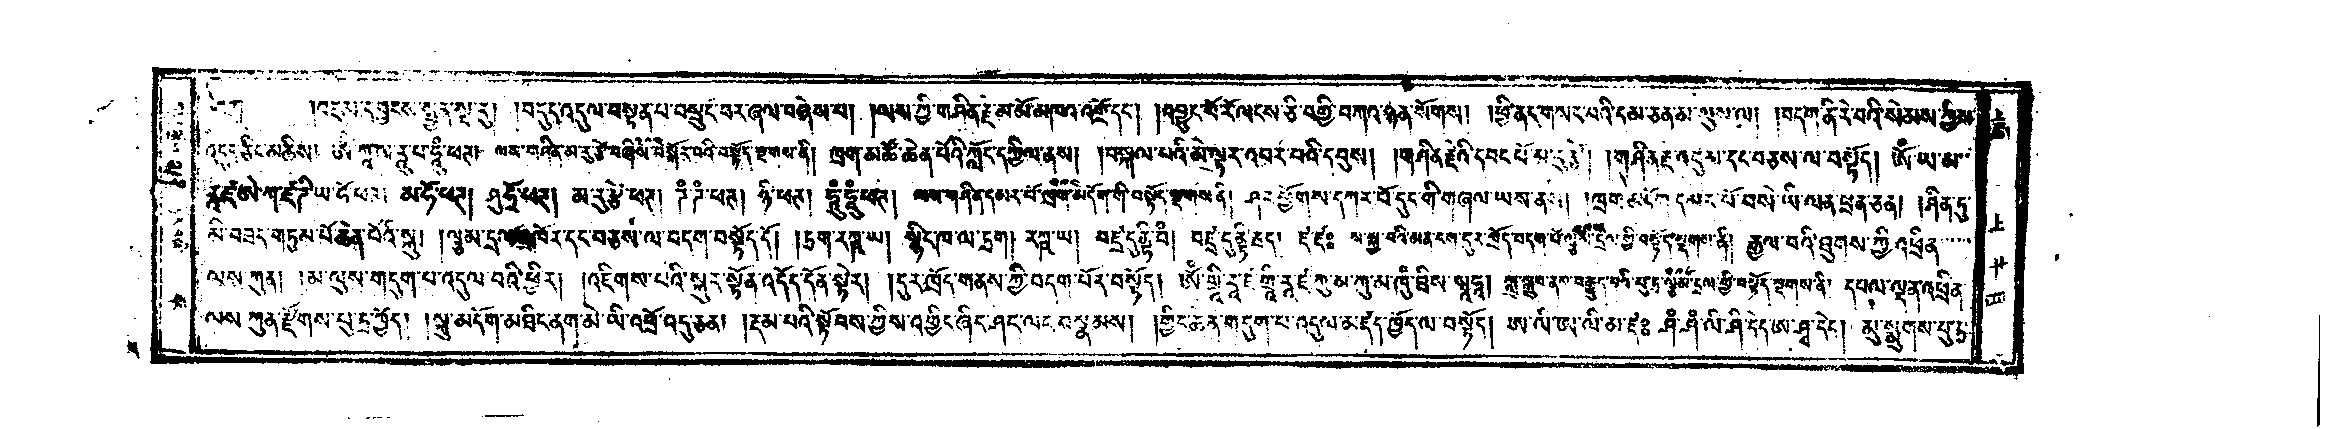༄༅། །འཇམ་དབྱངས་སྤྱན་སྔ་རུ། །བདུད་འདུལ་བསྟན་པ་བསྲུང་བར་ཞལ་བཞེས་པ། །ལས་ཀྱི་གཤིན་རྗེ་མ་མོ་མཁའ་འགྲོ་དང་། །འབྱུང་པོ་རོ་ལངས་ཅི་བགྱི་བཀའ་ཉན་སོགས། །ཕྱི་ནང་གསང་བའི་དམ་ཅན་མ་ལུས་ལ། །བདག་ནི་རེ་བའི་སེམས་ཀྱིས་
འདུད་ཅིང་མཆིས། ཨོཾ་ཀཱ་ལ་རཱུ་པ་ཧཱུཾ་ཕཊ། ལས་གཤིན་མ་རུ་རྩེ་བཞིས༢༩༣་བསྐོར་བའི་བསྟོད་སྔགས་ནི། ཁྲག་མཚོ་ཆེན་པོའི་ཀློང་དཀྱིལ་ནས། །བསྐལ་པའི་མེ་ལྟར་འབར་བའི་དབུས། །གཤིན་རྗེའི་དབང་པོ་མ་རུ་རྩེ། །གཤིན་རྗེ་འབུམ་དང་བཅས་ལ་བསྟོད། ཨོཾ་ཡ་མ་
རཱ་ཛ་ཨེ་ཀ་ཛ་ཌི་ཡ་ཧོ་ཕཊ། མ་ཧོ་ཕཊ། ཤུ་ཧོ་ཕཊ། མ་རུ་རྩེ་ཕཊ། ཌཾ་ཌཾ་ཕཊ། ཉི་ཕཊ། ཧཱུཾ་ཧཱུཾ་ཕཊ། ལས་གཤིན་དམར་པོ་ཁྲག༢༩༤་མདོག་གི་བསྟོད་སྔགས་ནི། ཤར་ཕྱོགས་དཀར་པོ་དུང་གི་གཞལ་ཡས་ནས། །ཁྲག་མདོག་དམར་པོ་བསེ་ཡི་ལན་ཕྲན་ཅན། །ཤིན་ཏུ་
མི་བཟད་གཏུམ་པོ་ཆེན་པོའི་སྐུ། །ལྕམ་དྲལ་འཁོར་དང་བཅས་ལ་བདག་བསྟོད་དོ། །ཏྲག་རཀྵ་ཡ། སྙིང་ཁ་ལ་ཏྲག། རཀྵ་ཡ། བཛྲ་དུནྟི་བཾ། བཛྲ་དུནྟི་རྦད། ཛ་ཛཿ ས་སྐྱ་པའི་མན་ངག་དུར་ཁྲོད་བདག་པོ་ལྕམ༢༩༥་དྲལ་གྱི་བསྟོད་སྔགས་ནི། རྒྱལ་བའི་ཐུགས་ཀྱི་འཕྲིན་
ལས་ཀུན། །མ་ལུས་གདུག་པ་འདུལ་བའི་ཕྱིར། །འཇིགས་པའི་སྐུར་སྟོན་འདོད་དོན་སྟེར། །དུར་ཁྲོད་གནས་ཀྱི་བདག་པོར་བསྟོད། ཨོཾ་གྲཱི་རཱ་ཛ་རཱ་ཛ་ཀུ་མ་ཀུ་མ་ཁུཾ་ཐིས་སྭཱཧཱ། ཀླུ་སྒྲུབ་ནས་བརྒྱུད་པའི་པུ་ཏྲ་ལྕམ༢༩༦་དྲལ་གྱི་བསྟོད་སྔགས་ནི། དཔལ་ལྡན་འཕྲིན་
ལས་ཀུན་རྫོགས་པུ་ཏ་ཁྱོད། །སྐུ་མདོག་མཐིང་ནག་མེ་ཡི་འཕྲོ་འདུ་ཅན། །རྡམ་པའི་སྟོབས་ཀྱིས་འགྱིང་ཞིང་ཤང་ལང་བསྣམས། །གྱིང་ཆེན་གདུག་པ་འདུལ་མཛད་ཁྱོད་ལ་བསྟོད། ཨ་ལི་ཨ་ལི་མ་ཛཿ ཤཾ་ཤཾ་ལི་ཤི་དེད་ཨ་ཤྭ་དེད། མུ་སྨུགས་པུ་ཏྲ་